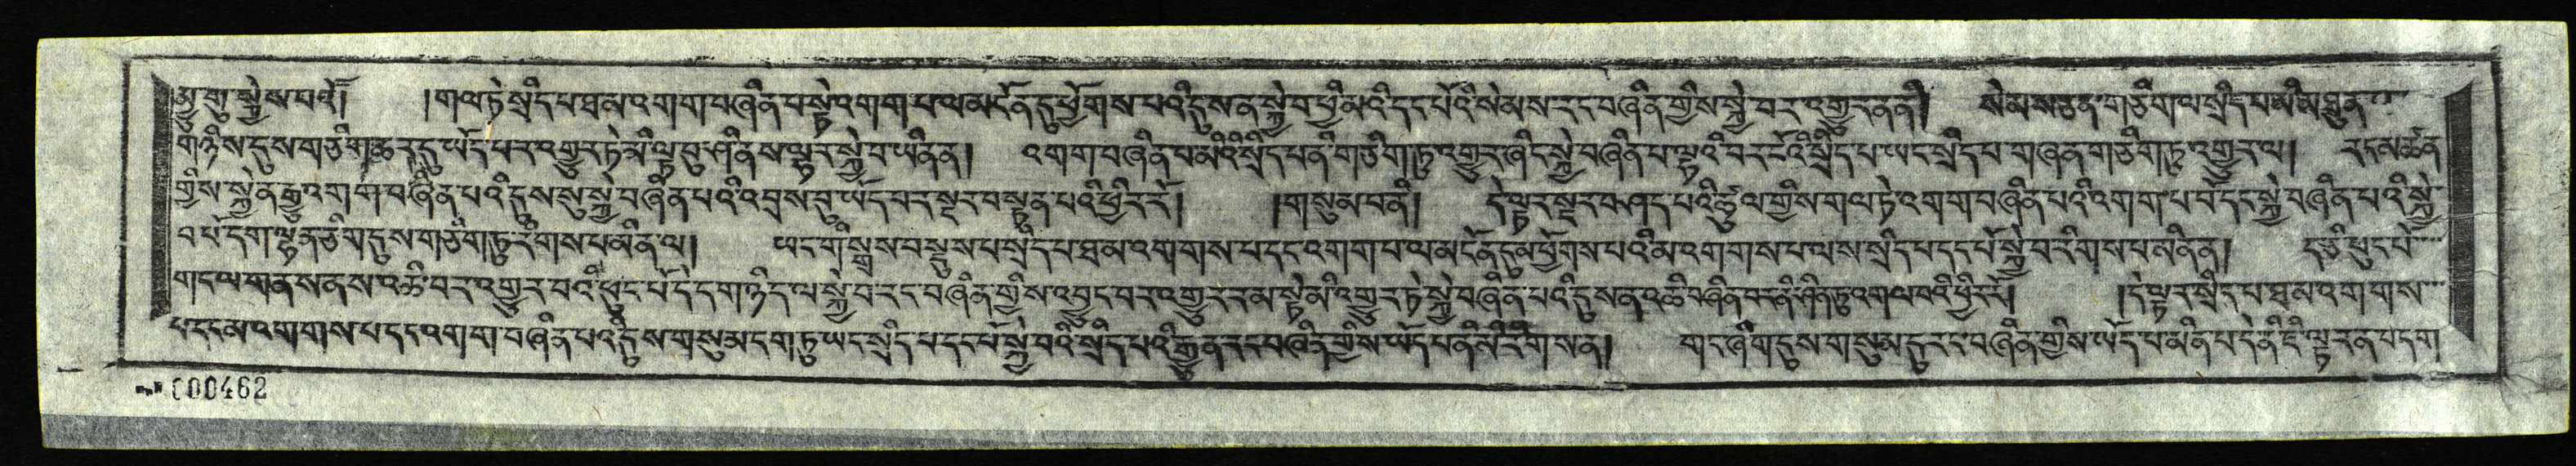མྱུ་གུ་སྐྱེས་པའོ། །གལ་ཏེ་སྲིད་པ་ཐ་མ་འགག་བཞིན་པ་སྟེ་འགག་པ་ལ་མངོན་དུ་ཕྱོགས་པའི་དུས་ན་སྐྱེ་བ་ཕྱི་མའི་དང་པོའི་སེམས་རང་བཞིན་གྱིས་སྐྱེ་བར་འགྱུར་ན་ནི། སེམས་ཅན་གཅིག་ལ་སྲིད་པ་མི་མཐུན་པ་
གཉིས་དུས་གཅིག་ཆར་དུ་ཡོད་པར་འགྱུར་ཏེ་མི་ལྟ་བུ་ཤི་ནས་ལྷར་སྐྱེ་བ་ཡིན་ན། འགག་བཞིན་པ་མིའི་སྲིད་པ་ནི་གཅིག་ཏུ་འགྱུར་ཞིང་སྐྱེ་བཞིན་པ་ལྷའི་བར་ངོའི་སྲིད་པ་ཡང་སྲིད་པ་གཞན་གཅིག་ཏུ་འགྱུར་ལ། རང་མཚན་
གྱིས་སྐྱེ་ན་རྒྱུ་འགག་བཞིན་པའི་དུས་སུ་སྐྱེ་བཞིན་པའི་འབྲས་བུ་ཡོད་པར་སྔར་བསྟན་པའི་ཕྱིར་རོ། །གསུམ་པ་ནི། དེ་ལྟར་སྔར་བཤད་པའི་ཚུལ་གྱིས་གལ་ཏེ་འགག་བཞིན་པའི་འགག་པ་བོ་དང་སྐྱེ་བཞིན་པའི་སྐྱེ་
བ་པོ་དག་ལྷན་ཅིག་དུས་གཅིག་ཏུ་རིགས་པ་མིན་ལ། ཡང་གི་སྒྲས་བསྡུས་པ་སྲིད་པ་ཐ་མ་འགགས་པ་དང་འགག་པ་ལ་མངོན་དུ་མ་ཕྱོགས་པའི་མ་འགགས་པ་ལས་སྲིད་པ་དང་པོ་སྐྱེ་བ་རིགས་པ་མིན་ན། ད་ཅི་ཕུང་པོ་
གང་ལ་གནས་ནས་འཆི་བར་འགྱུར་བའི་ཕུང་པོ་དེ་དག་ཉིད་ལ་སྐྱེ་བ་རང་བཞིན་གྱིས་འབྱུང་བར་འགྱུར་རམ་སྟེ་མི་འགྱུར་ཏེ་སྐྱེ་བཞིན་པའི་དུས་ན་འཆི་བཞིན་པར་ནི་ཤིན་ཏུ་འགལ་བའི་ཕྱིར་རོ། །དེ་ལྟར་སྲིད་པ་ཐ་མ་འགགས་
པ་དང་མ་འགགས་པ་དང་འགག་བཞིན་པའི་དུས་གསུམ་དག་ཏུ་ཡང་སྲིད་པ་དང་པོ་སྐྱེ་བའི་སྲིད་པའི་རྒྱུན་རང་བཞིན་གྱིས་ཡོད་པ་ནི་མི་རིགས་ན། གང་ཞིག་དུས་གསུམ་དུ་རང་བཞིན་གྱིས་ཡོད་པ་མིན་པ་དེ་ནི་ཇི་ལྟར་ན་བདག་